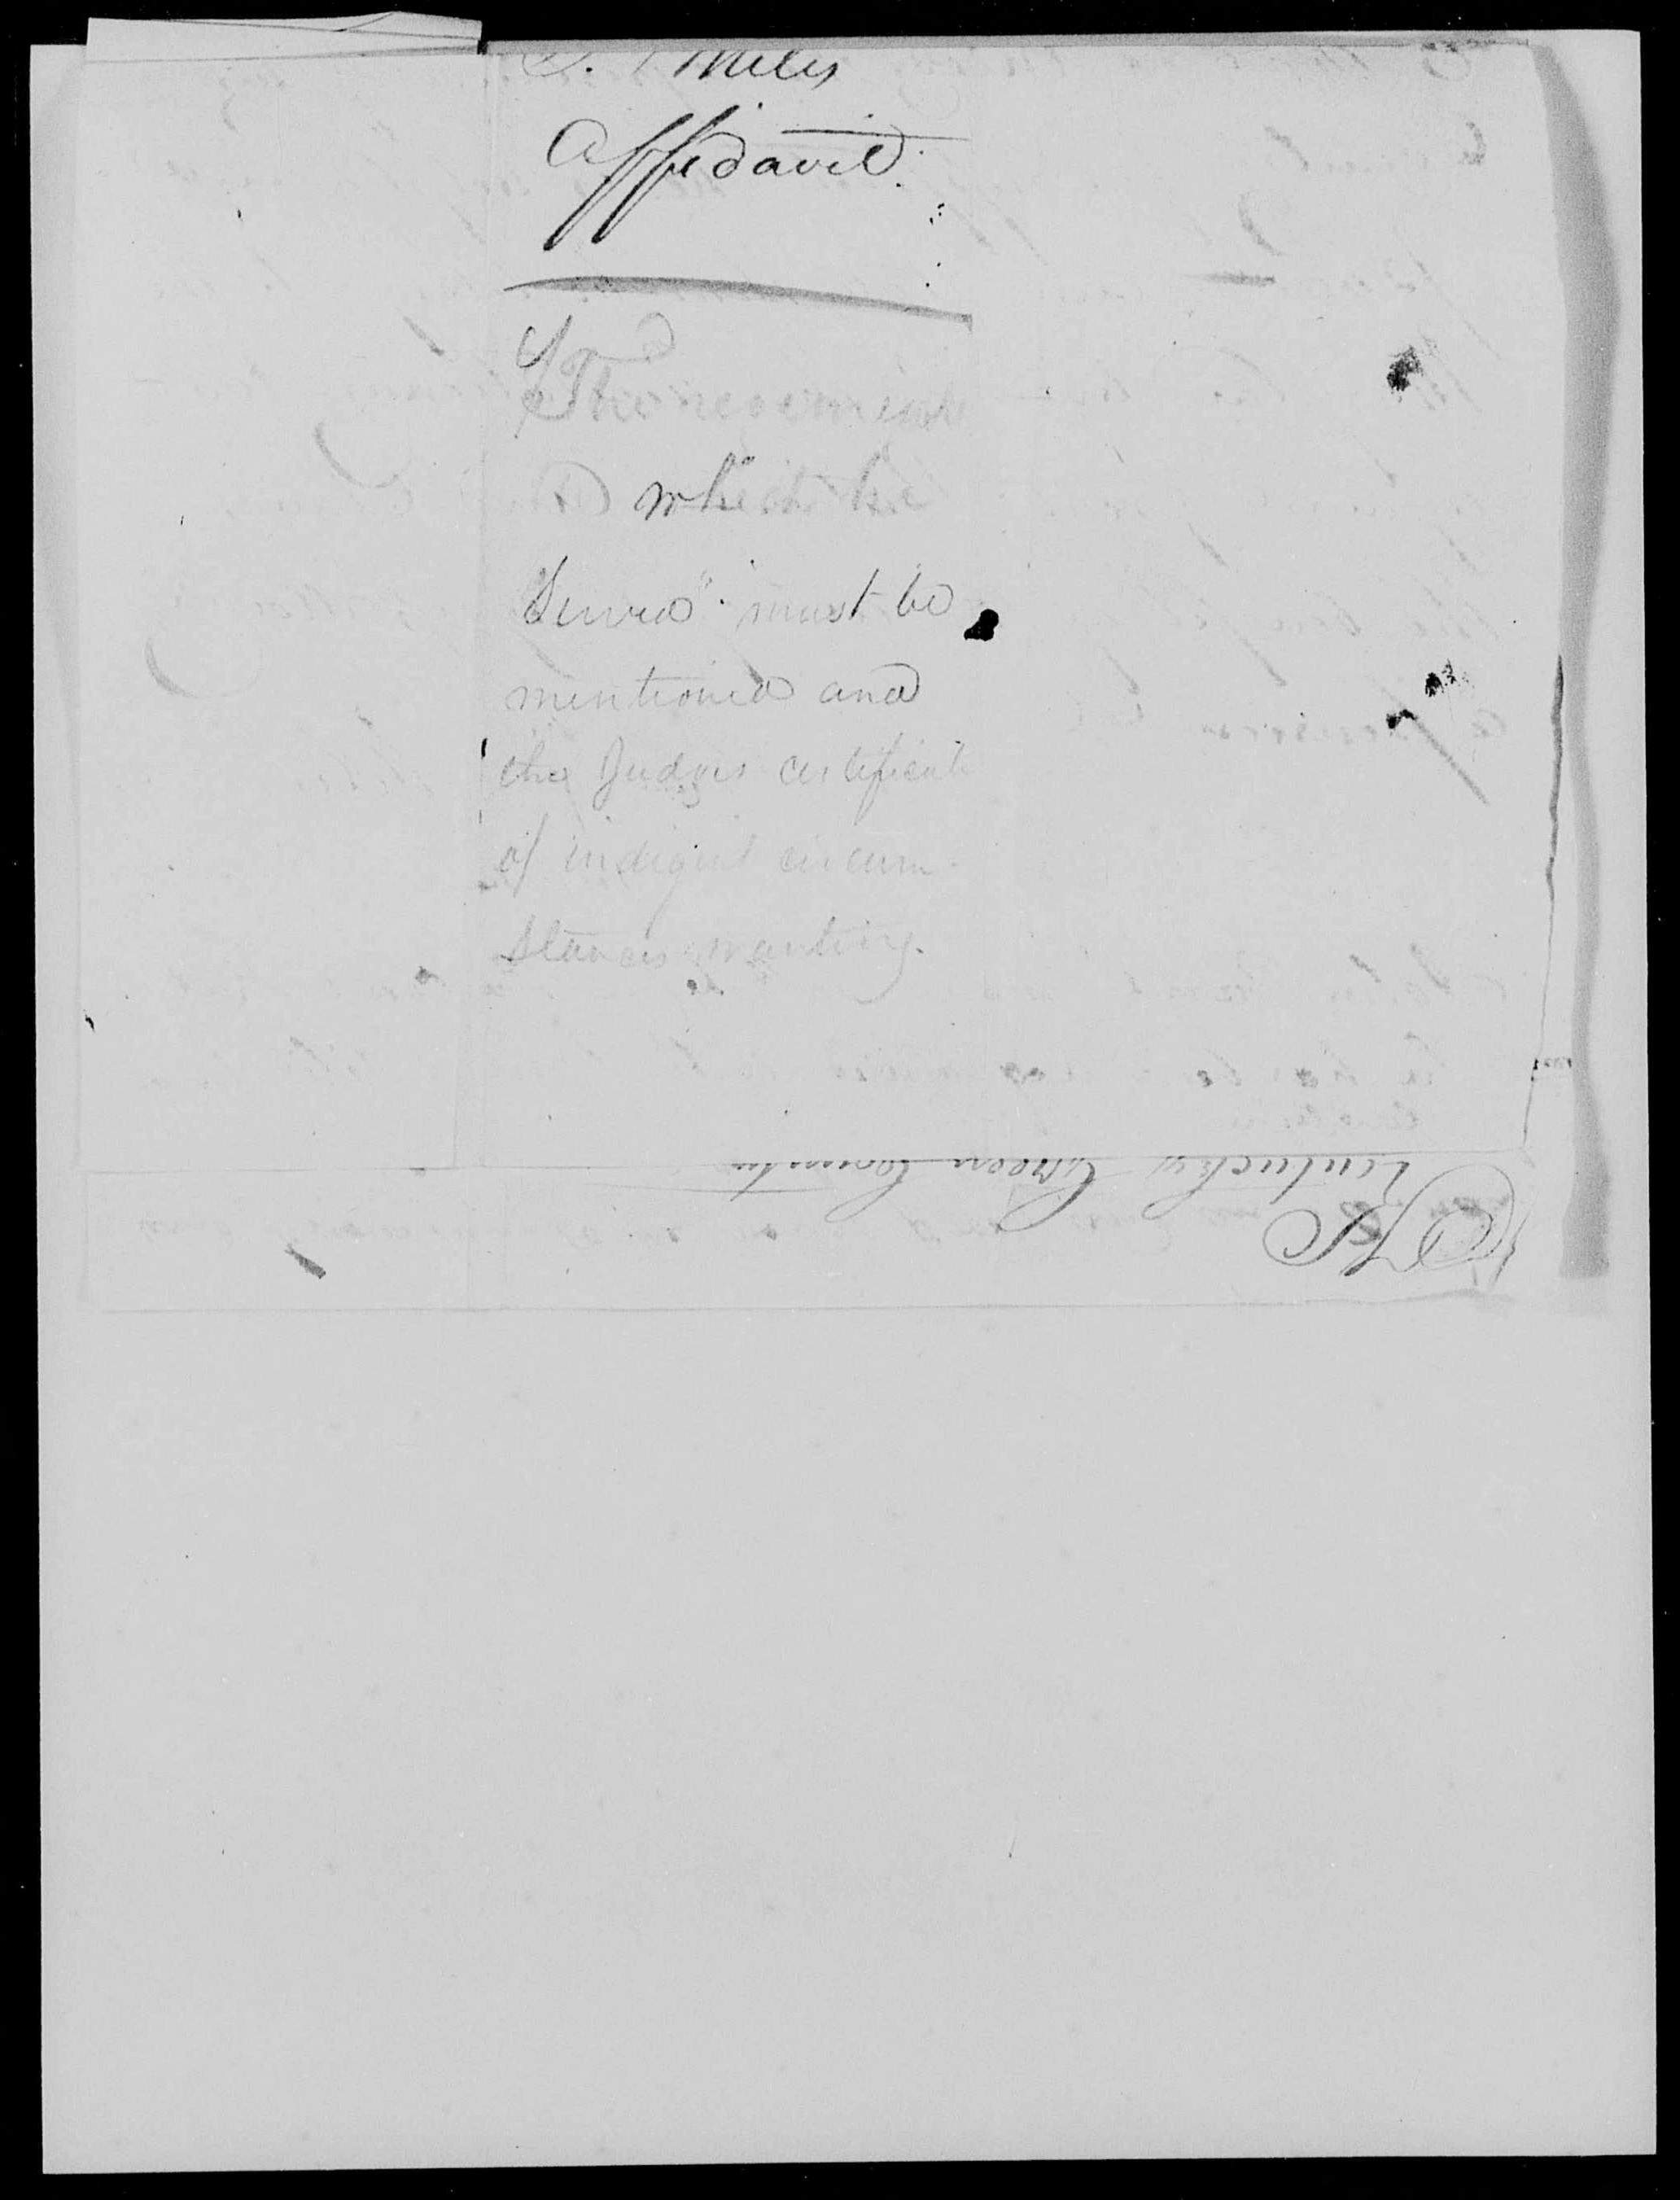John Miles
Affidavit

[illegible] to which he survid must be mentioned and the Judges certificate of indigent circumstances wanting

Kentucky Green County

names: J Miles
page: 22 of 24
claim: survivor's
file: S 36138, for John Miles, Maryland